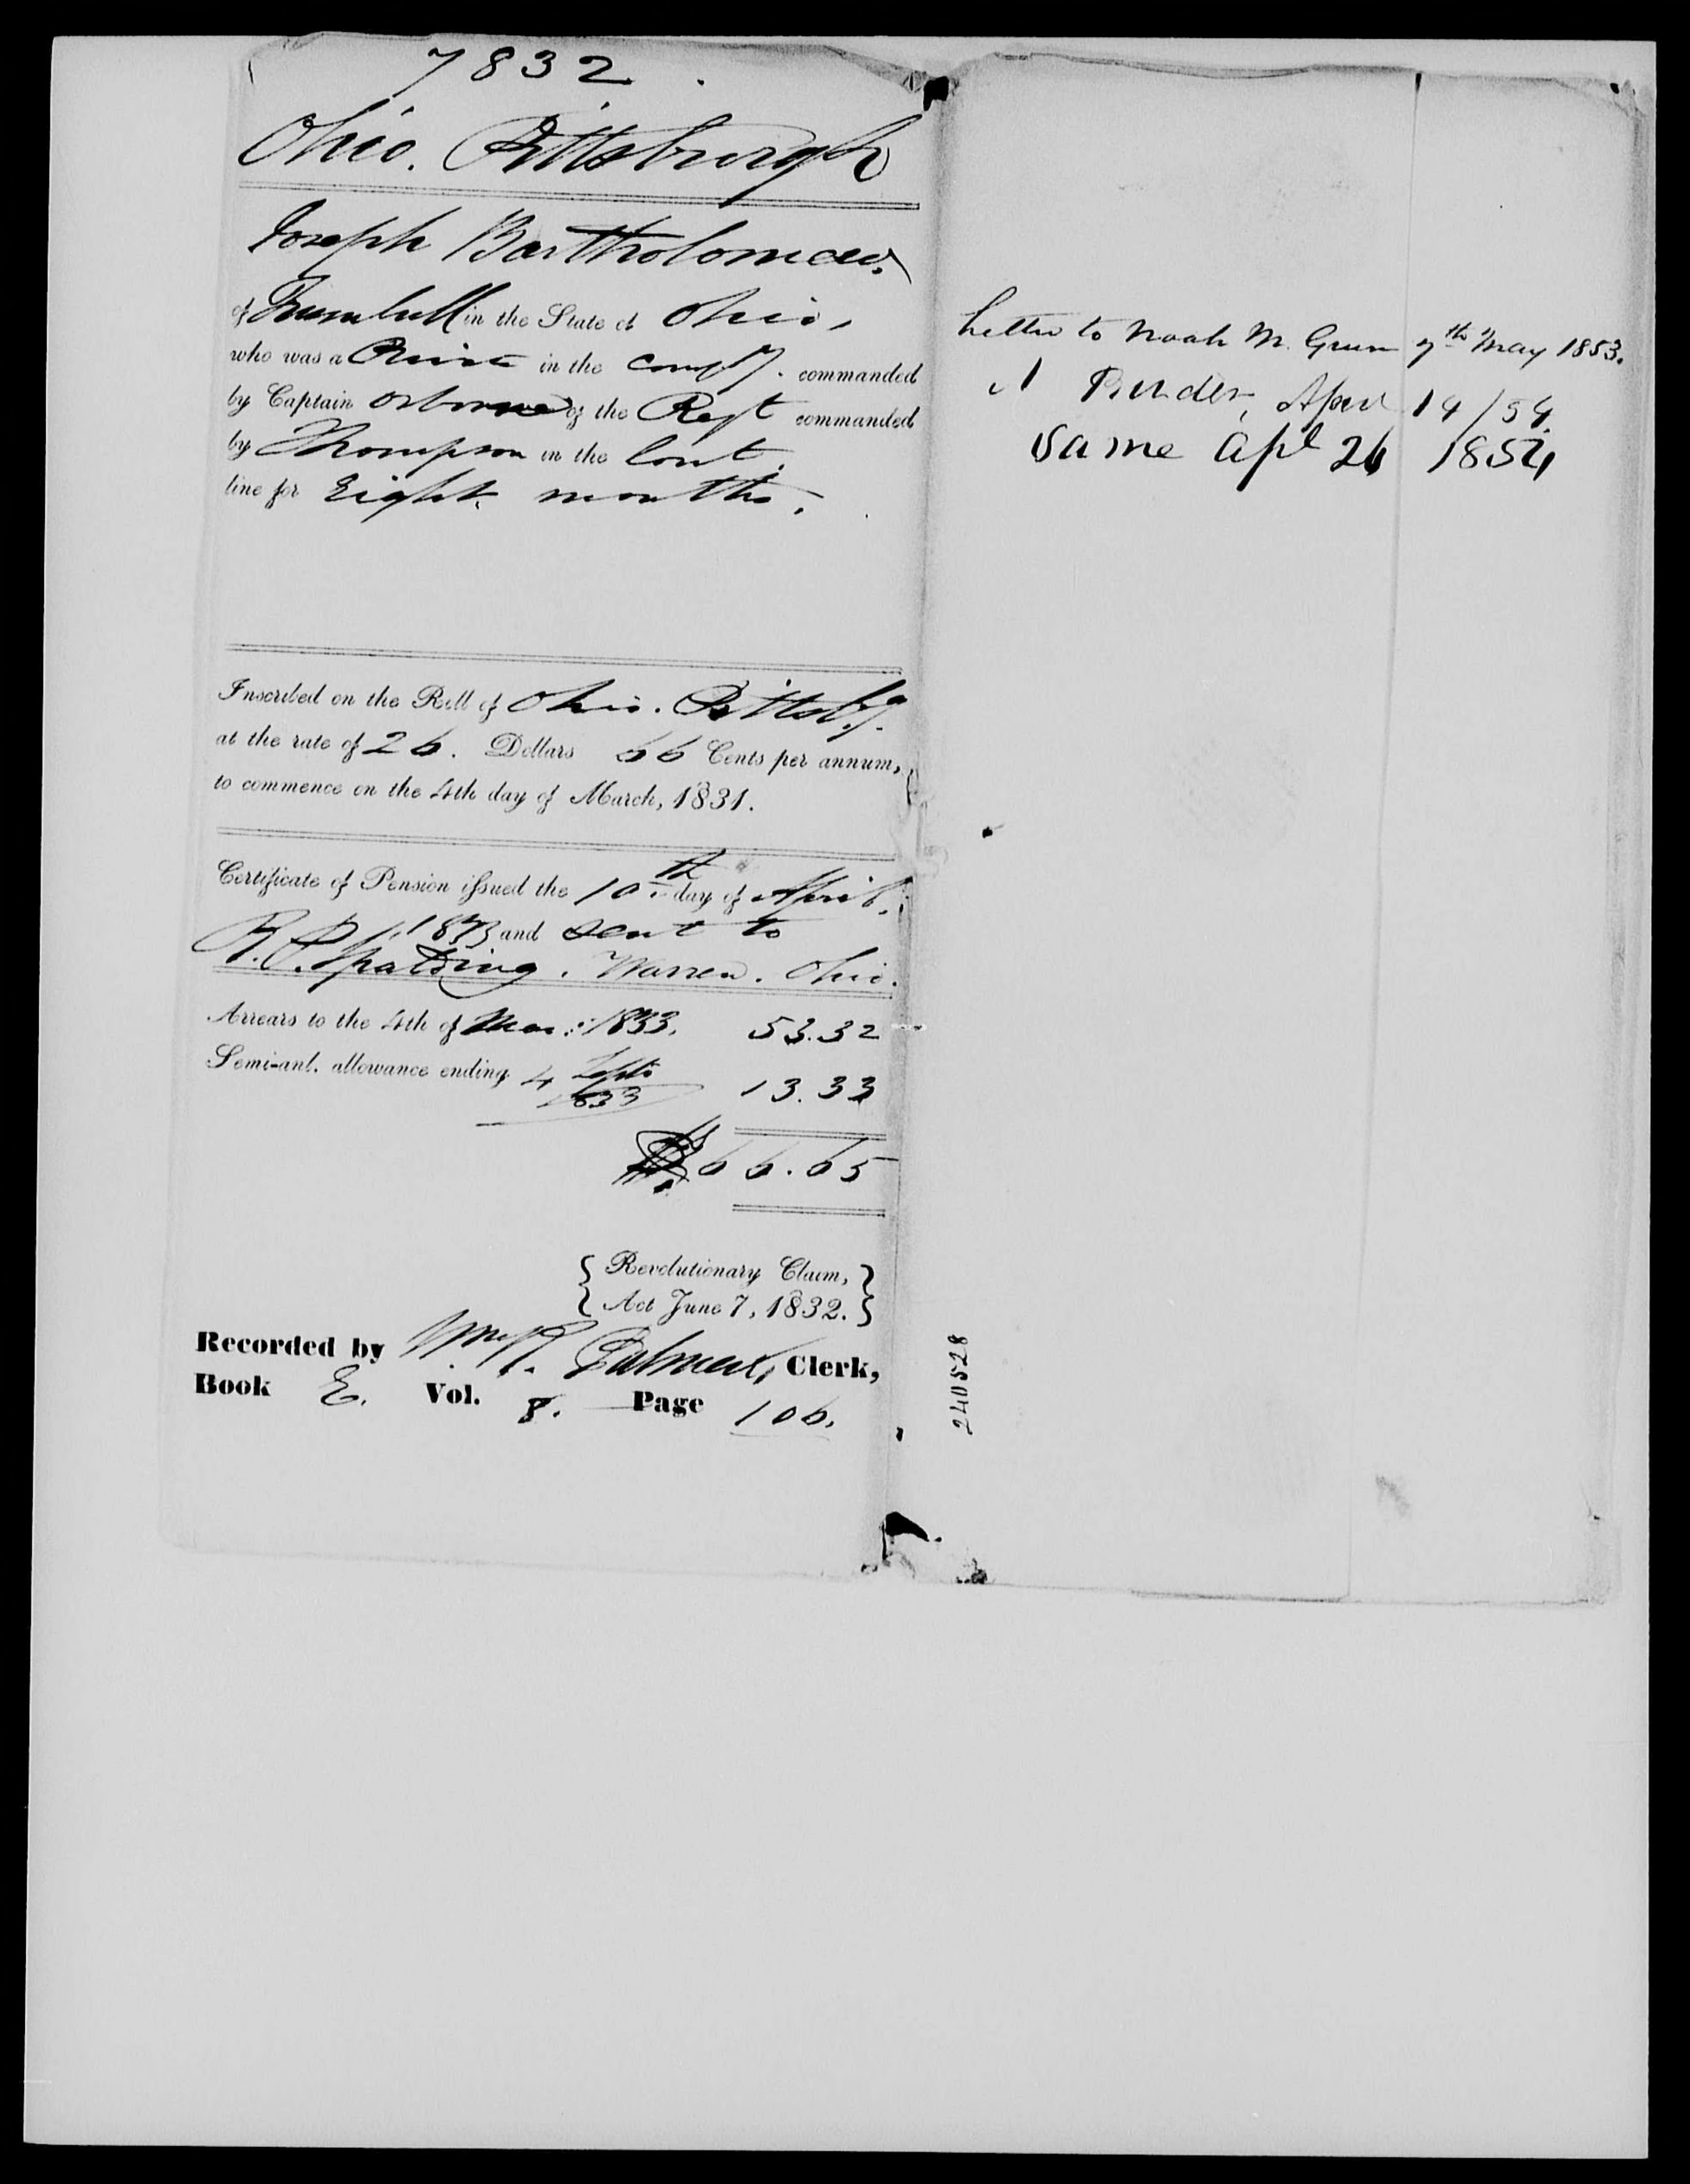1832
Ohio, Pittsburgh

Joseph Bartholomew
of Trumbull in the State of Ohio
who was a Private in the Company commanded
by Captain Osborne of the Regt commanded
by Thompson in the Cont [Connecticut]
line for Eight months.

Inscribed on the Roll of Ohio. Pittsburgh. 
at the rate of 26. Dollars 66 Cents per annum
to commence on the 4th day of March, 1831.

Certificate of Pension issued the 10th day of April
1833 and sent to R. P. Spalding. Warren. Ohio.

Arrears to the 4th of Mar 1833                 53.32
Semi-anl. allowance ending 4 Sept 1833  13.33
                                                                $66.65
{Revolutionary Claim, Act June 7, 1832}

Recorded by Wm R. Palmer, Clerk,
Book E. Vol. 8. Page 106

[On facing page}
Letter to Noah M. Green 7th May 1853.
I Bender April 14 /54
Same Apl 26 1854

[number at bottom of page] 240528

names: Thompson, R P Spalding, Joseph Bartholomew, Osborne, Wm R Palmer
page: 2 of 76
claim: widow's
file: W. 9345, Joseph Bartholomew, Conn.